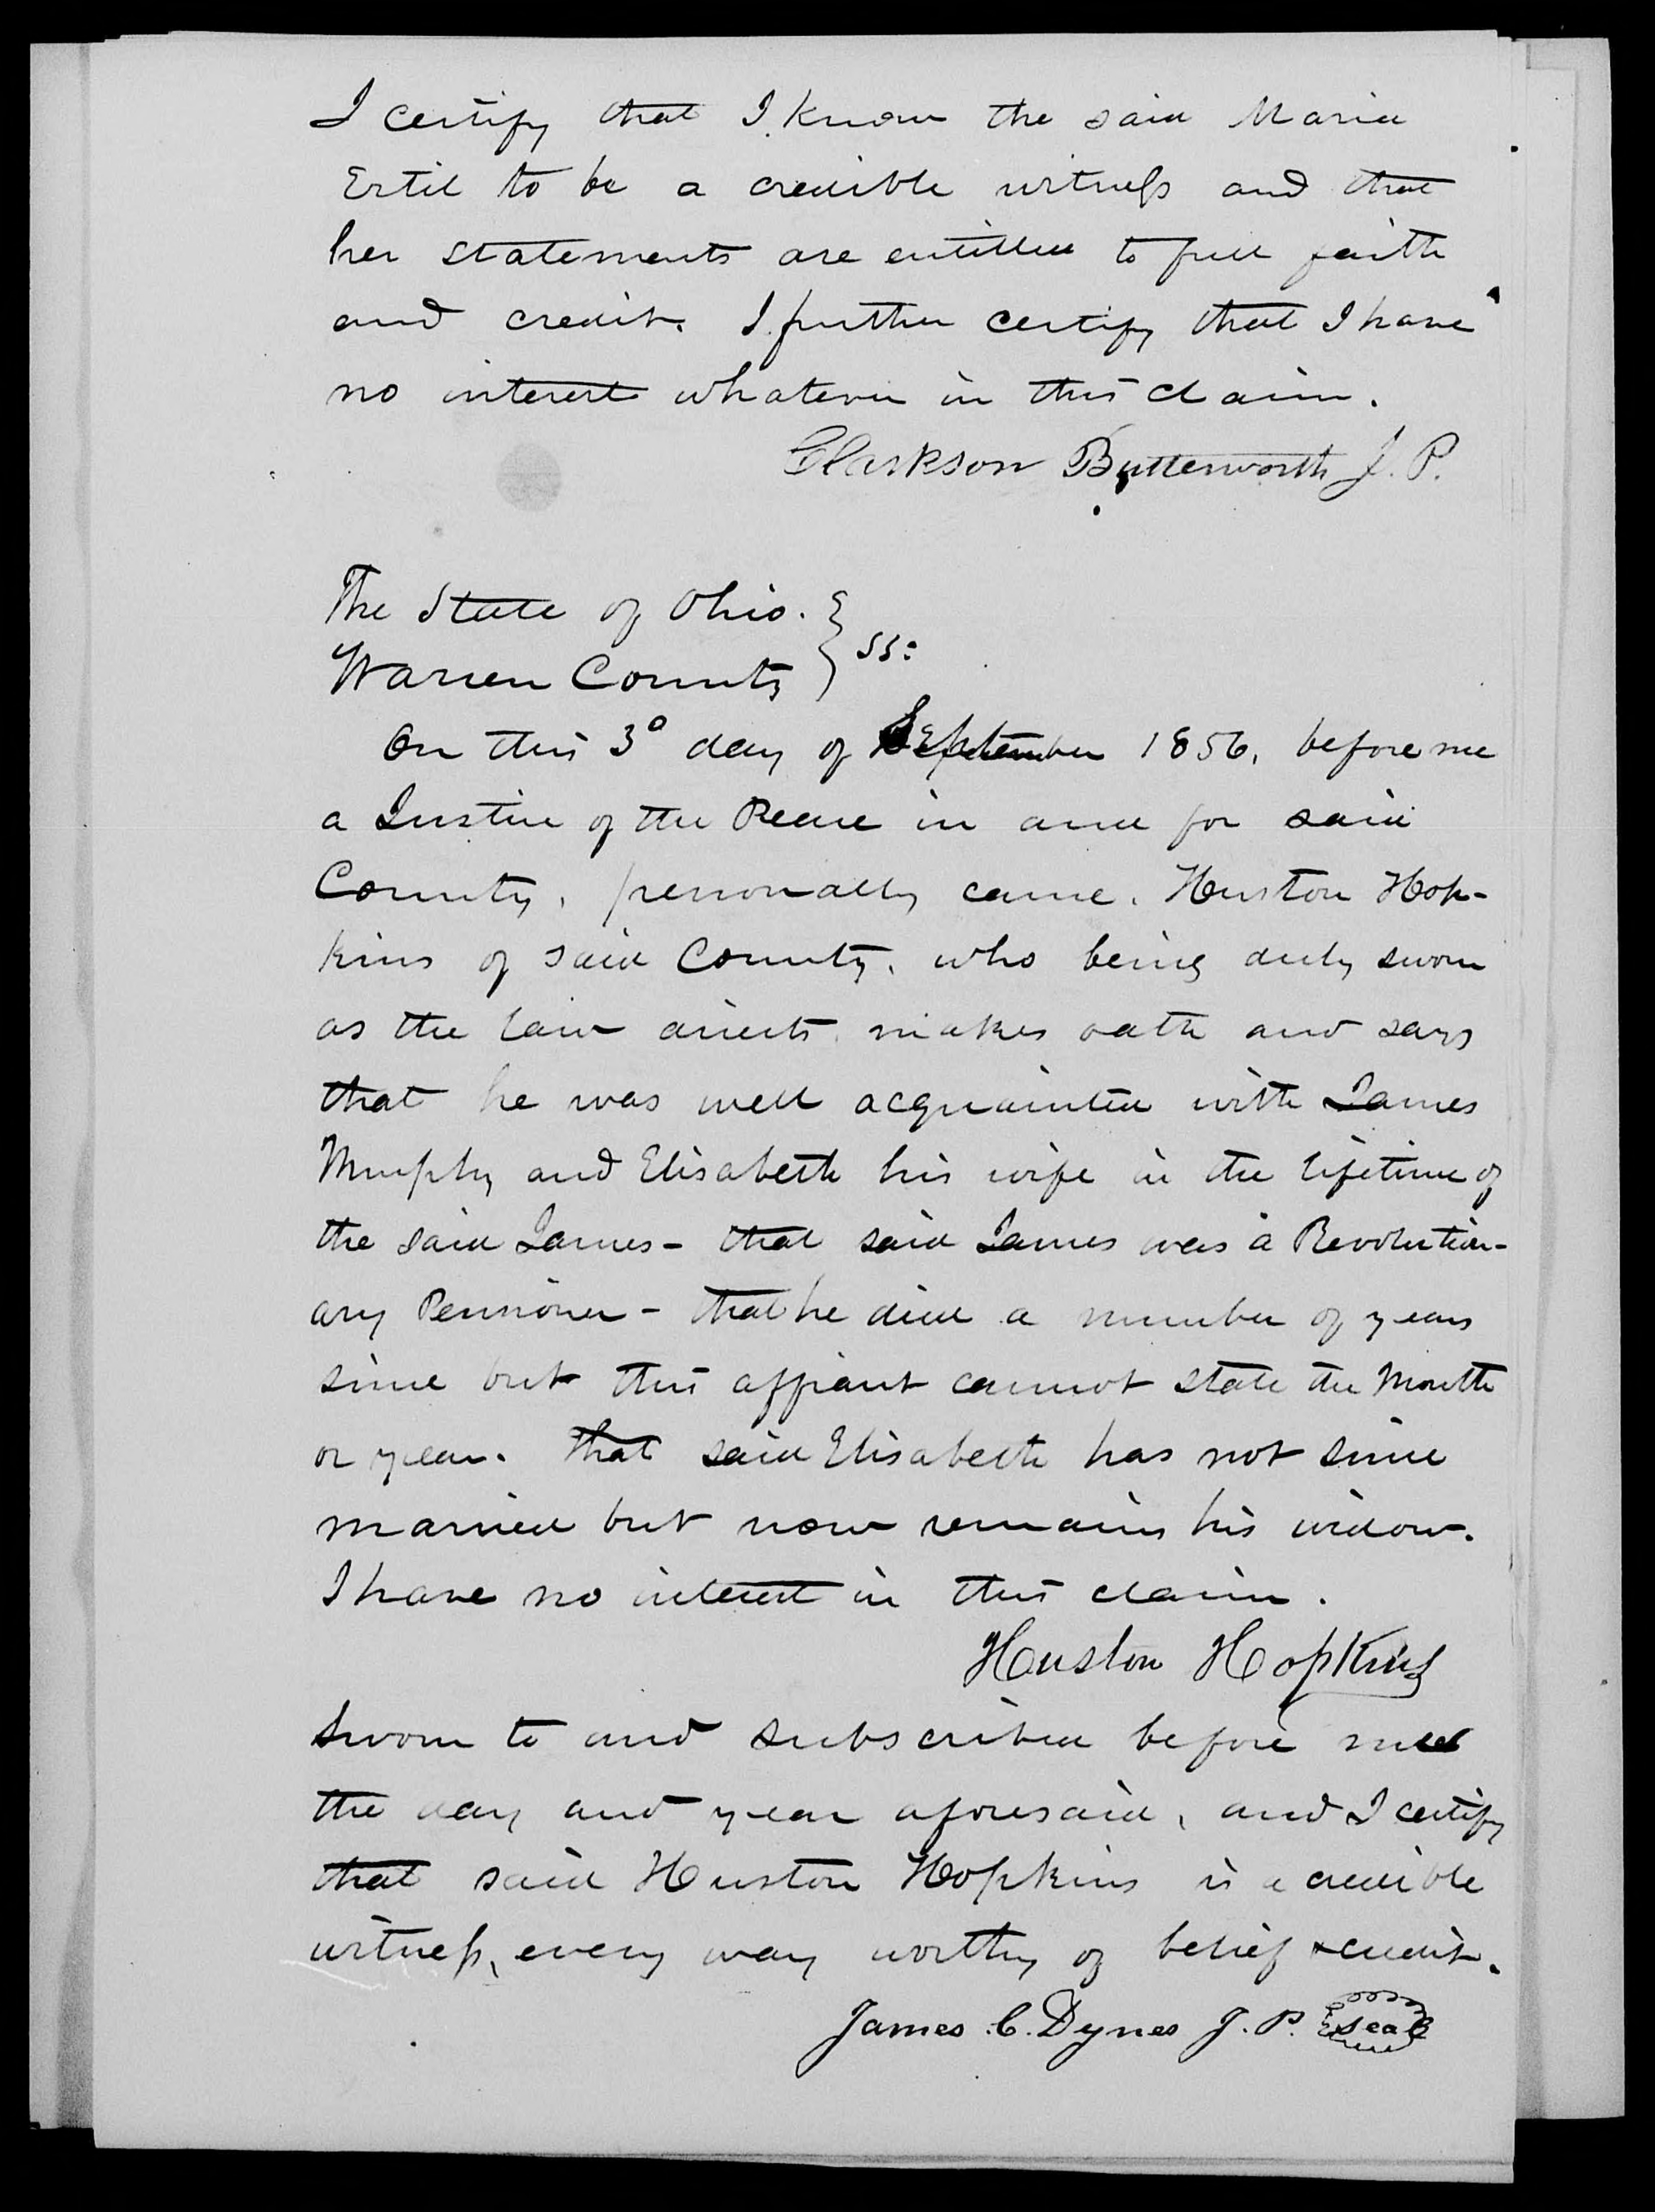I certify that I know the said Maria
Ertil to be a credible witness and that
her statements are entitled to full faith
and credit. I further certify that I have
no interest whatever in this claim
Clarkson Butterworth J.P.  /s/

The State of Ohio
Warren County   SS

On this 3d day of September 1856 before me
a Justice of the Peace in and for said
County, personally came, Huston Hopkins 
of said County, who being duly sworn
as the law agent make oath and says
that he was well acquainted with James
Murphy and Elisabeth his wife in the lifetime of
the said James - that said James was a Revolutionary 
Pensioner - that he died a number of years
since but this affiant cannot state the month
or year.  that said Elisabeth has not since
married but now remains his widow.
I have no interest in this claim
Huston Hopkins /s/

Sworn to and subscribed before me
the day and year aforesaid, and I certify
that said Huston Hopkins is a credible
witness every way worthy of belief & credit
●
James C. Dynes J.P. /s/
seal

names: Clarkson Butterworth; James C Dynes; James Murphy; Huston Hopkins; Elisabeth Murphy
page: 18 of 57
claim: widow's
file: W. 25,739, for James Murphey, Pennsylvania